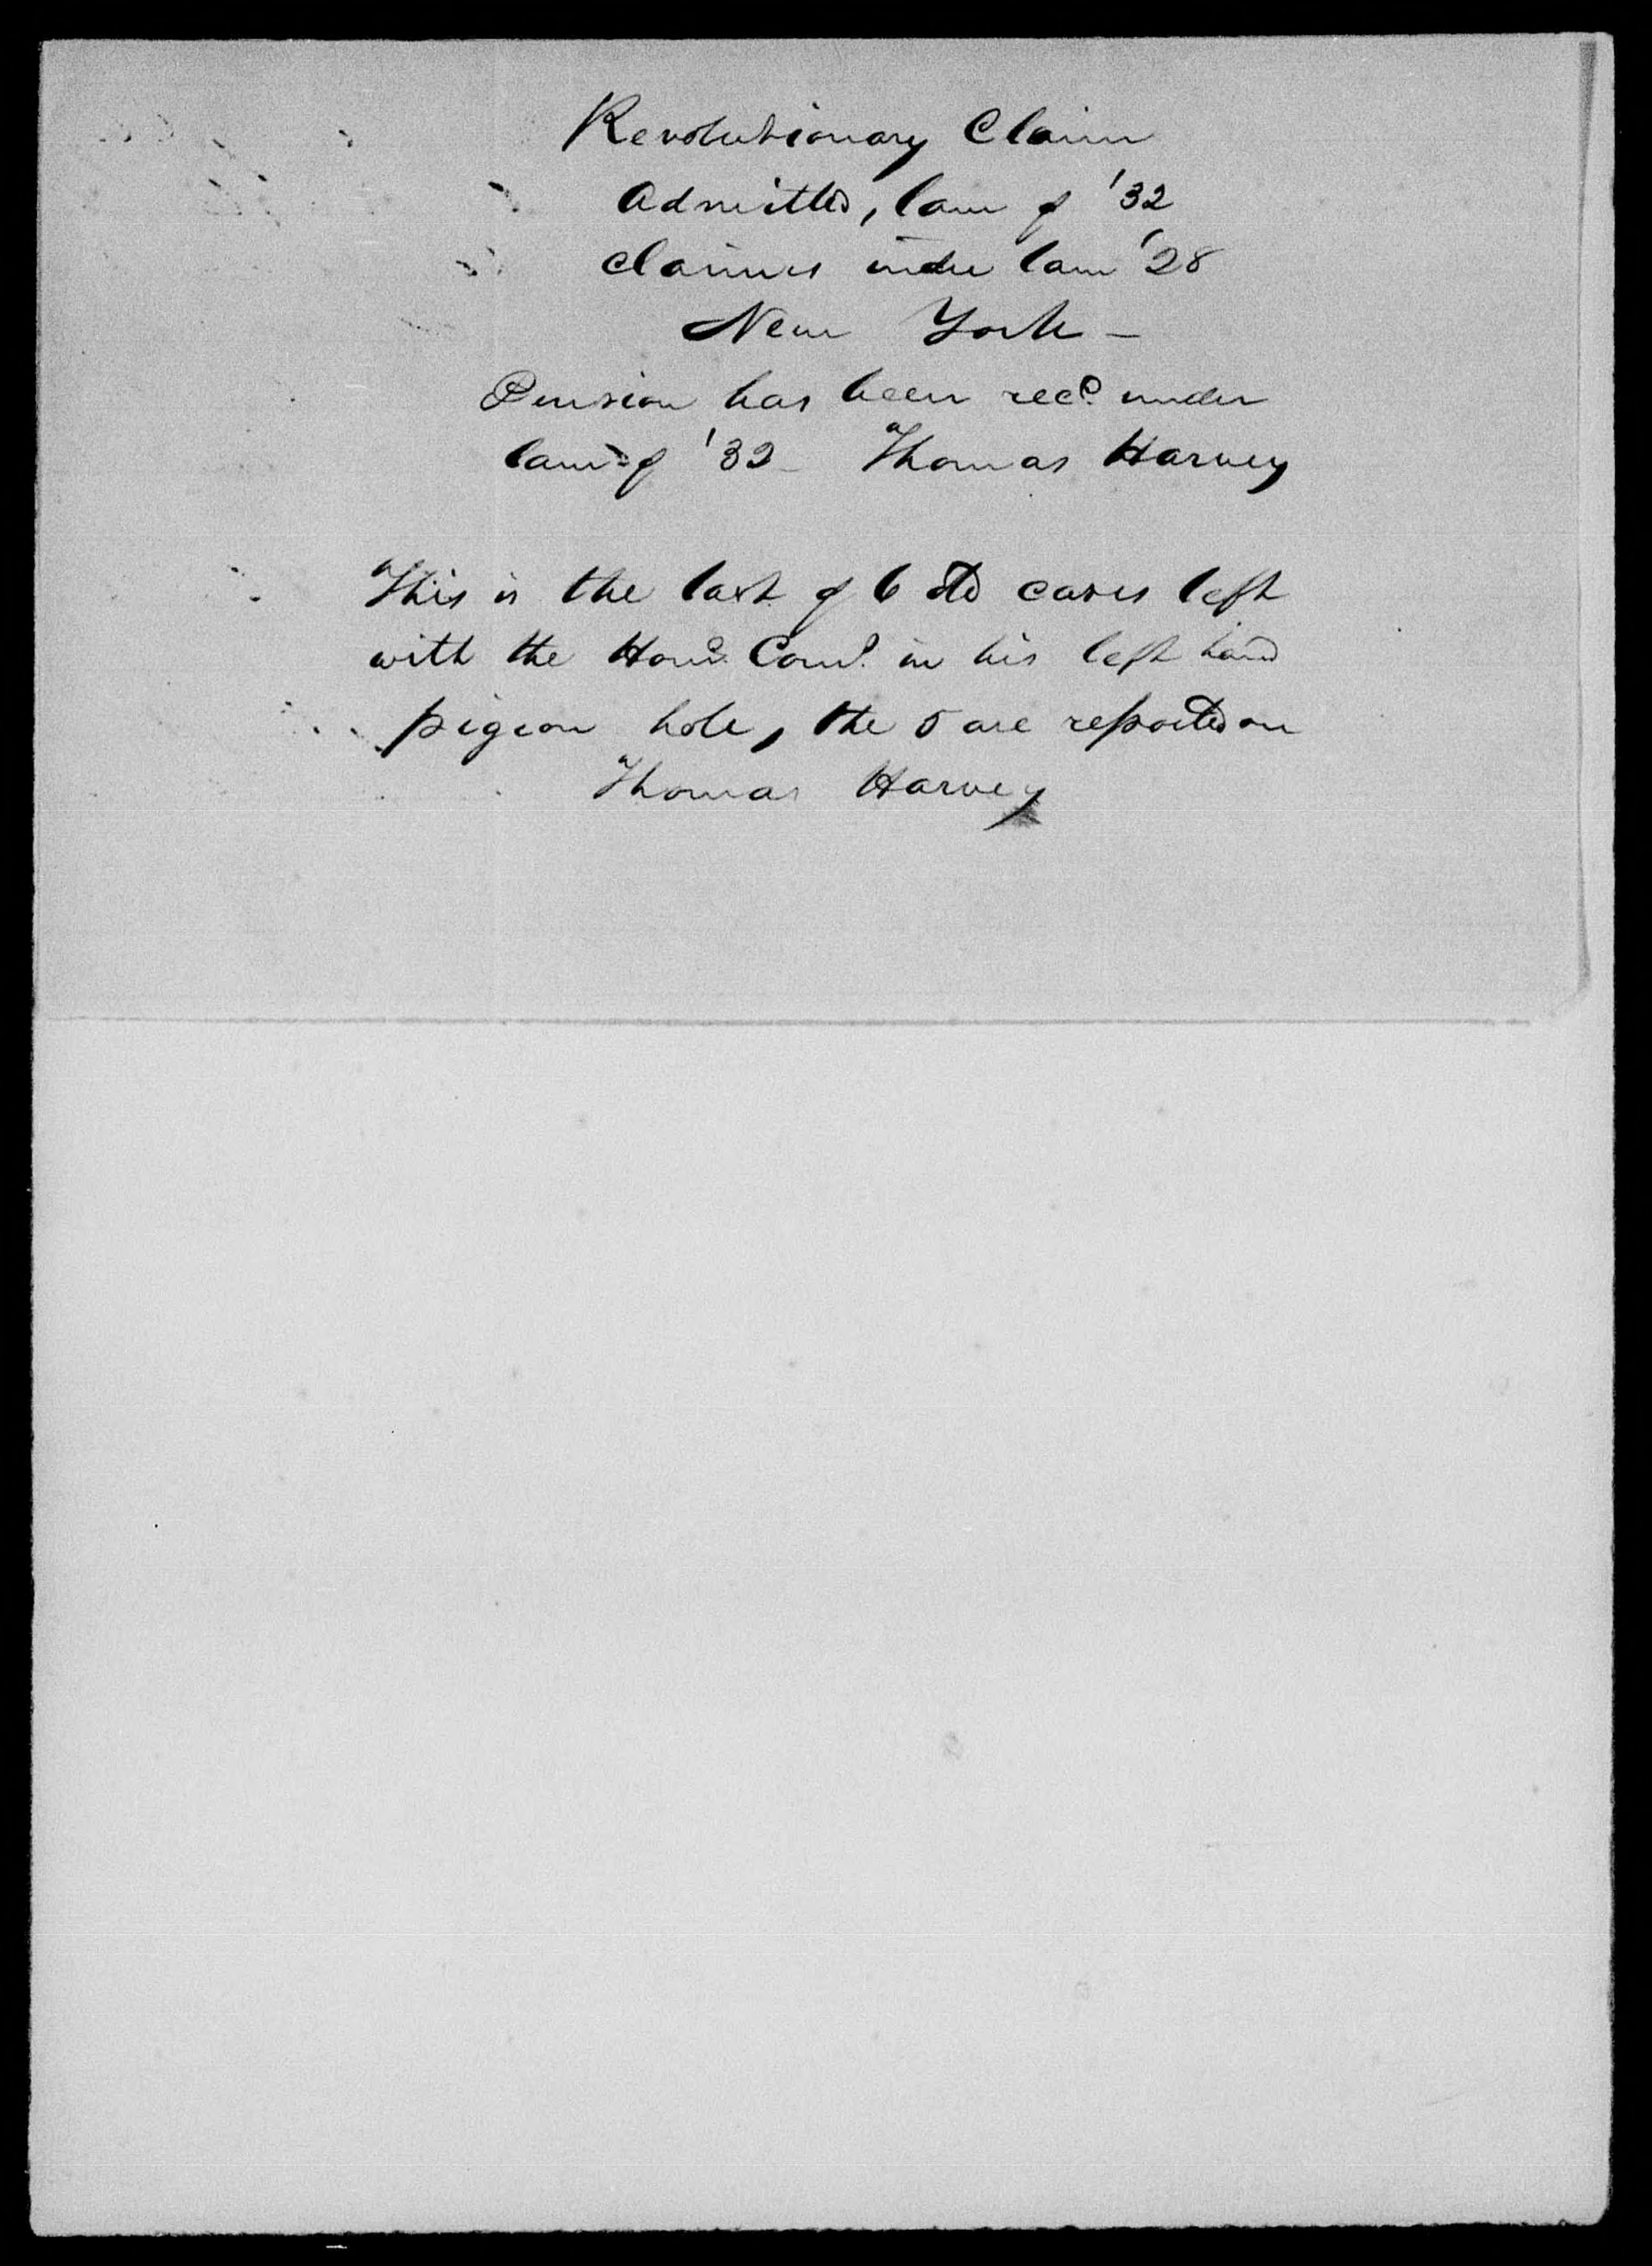Revolutionary Claim
Admitted, law of '32
claims under law '28 
New York - 
Pension has been rec'd under law of '32 - Thomas Harvey
This is the last of 6 to cases left with the Hon'ble Com'r in his left hand pigeon hole, the 5 are reported on 
Thomas Harvey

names: Thomas Harvey, Thomas Harvey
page: 44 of 80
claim: survivor's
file: S. 18008, Thomas Harvey, N.H.